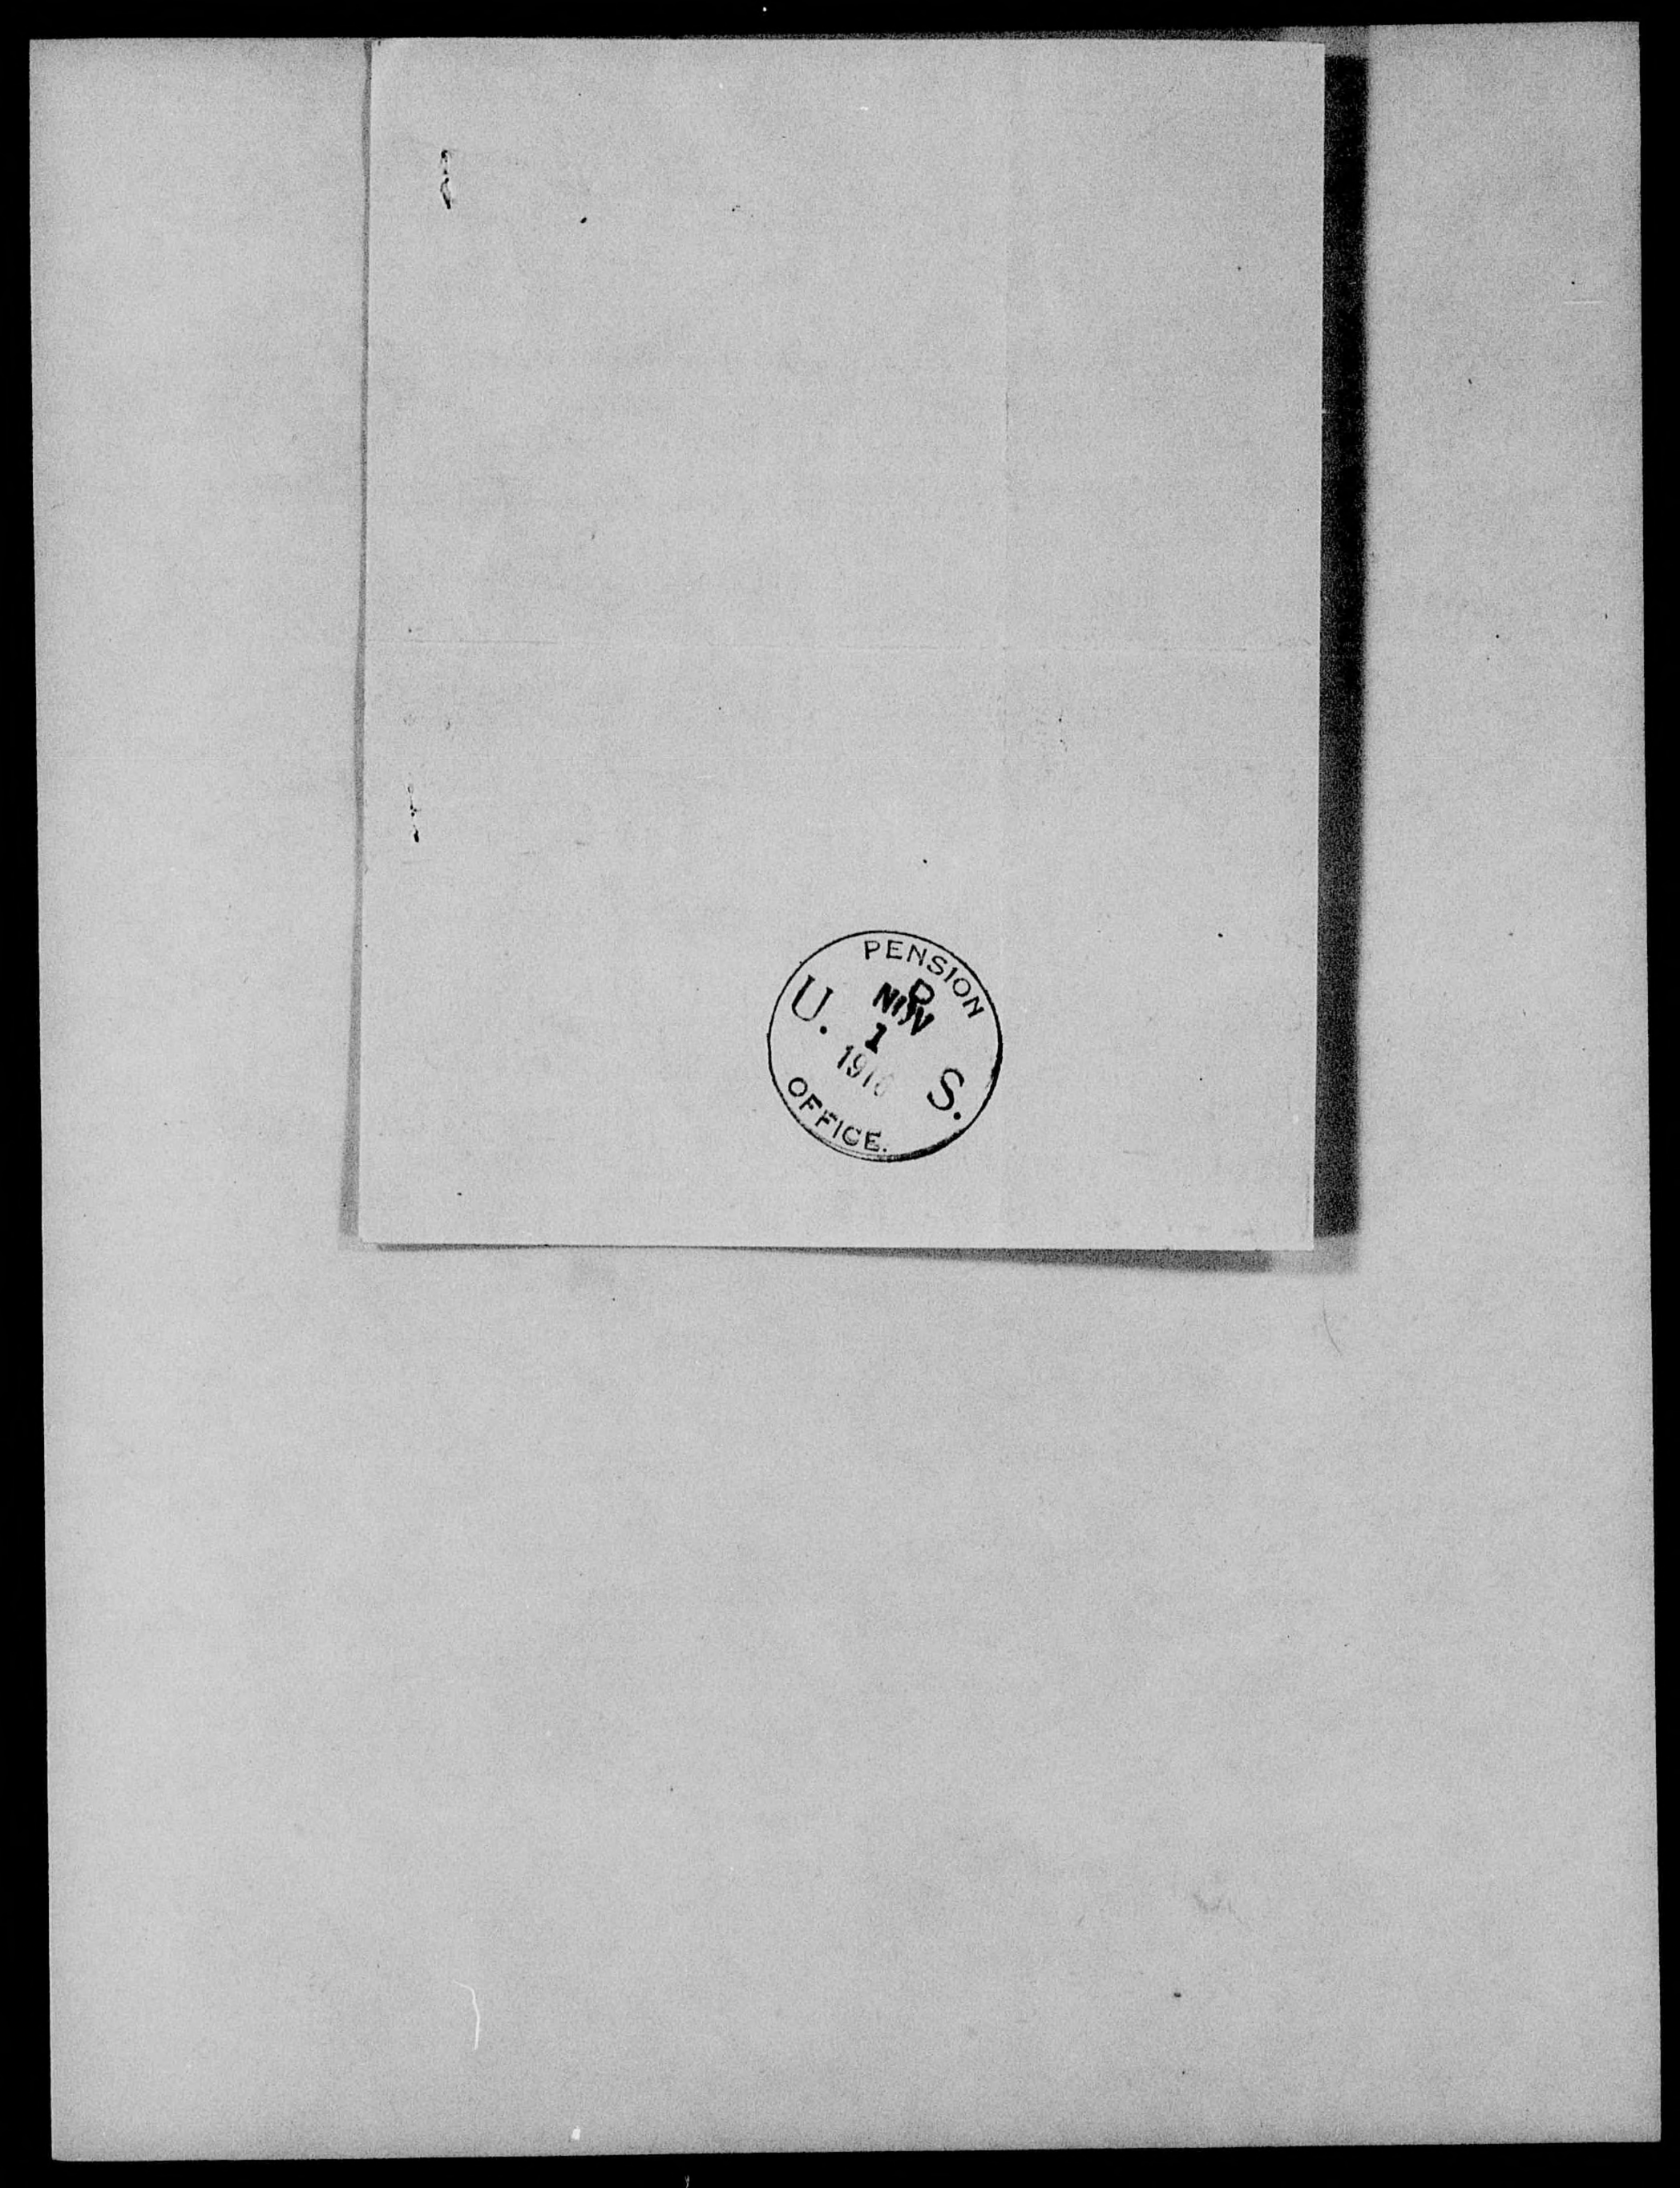U.S. PENSION OFFICE
D
NOV 1 1916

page: 4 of 12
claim: bounty land warrant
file: B. L. Wt. 392-100, for Robert Quillin, Virginia